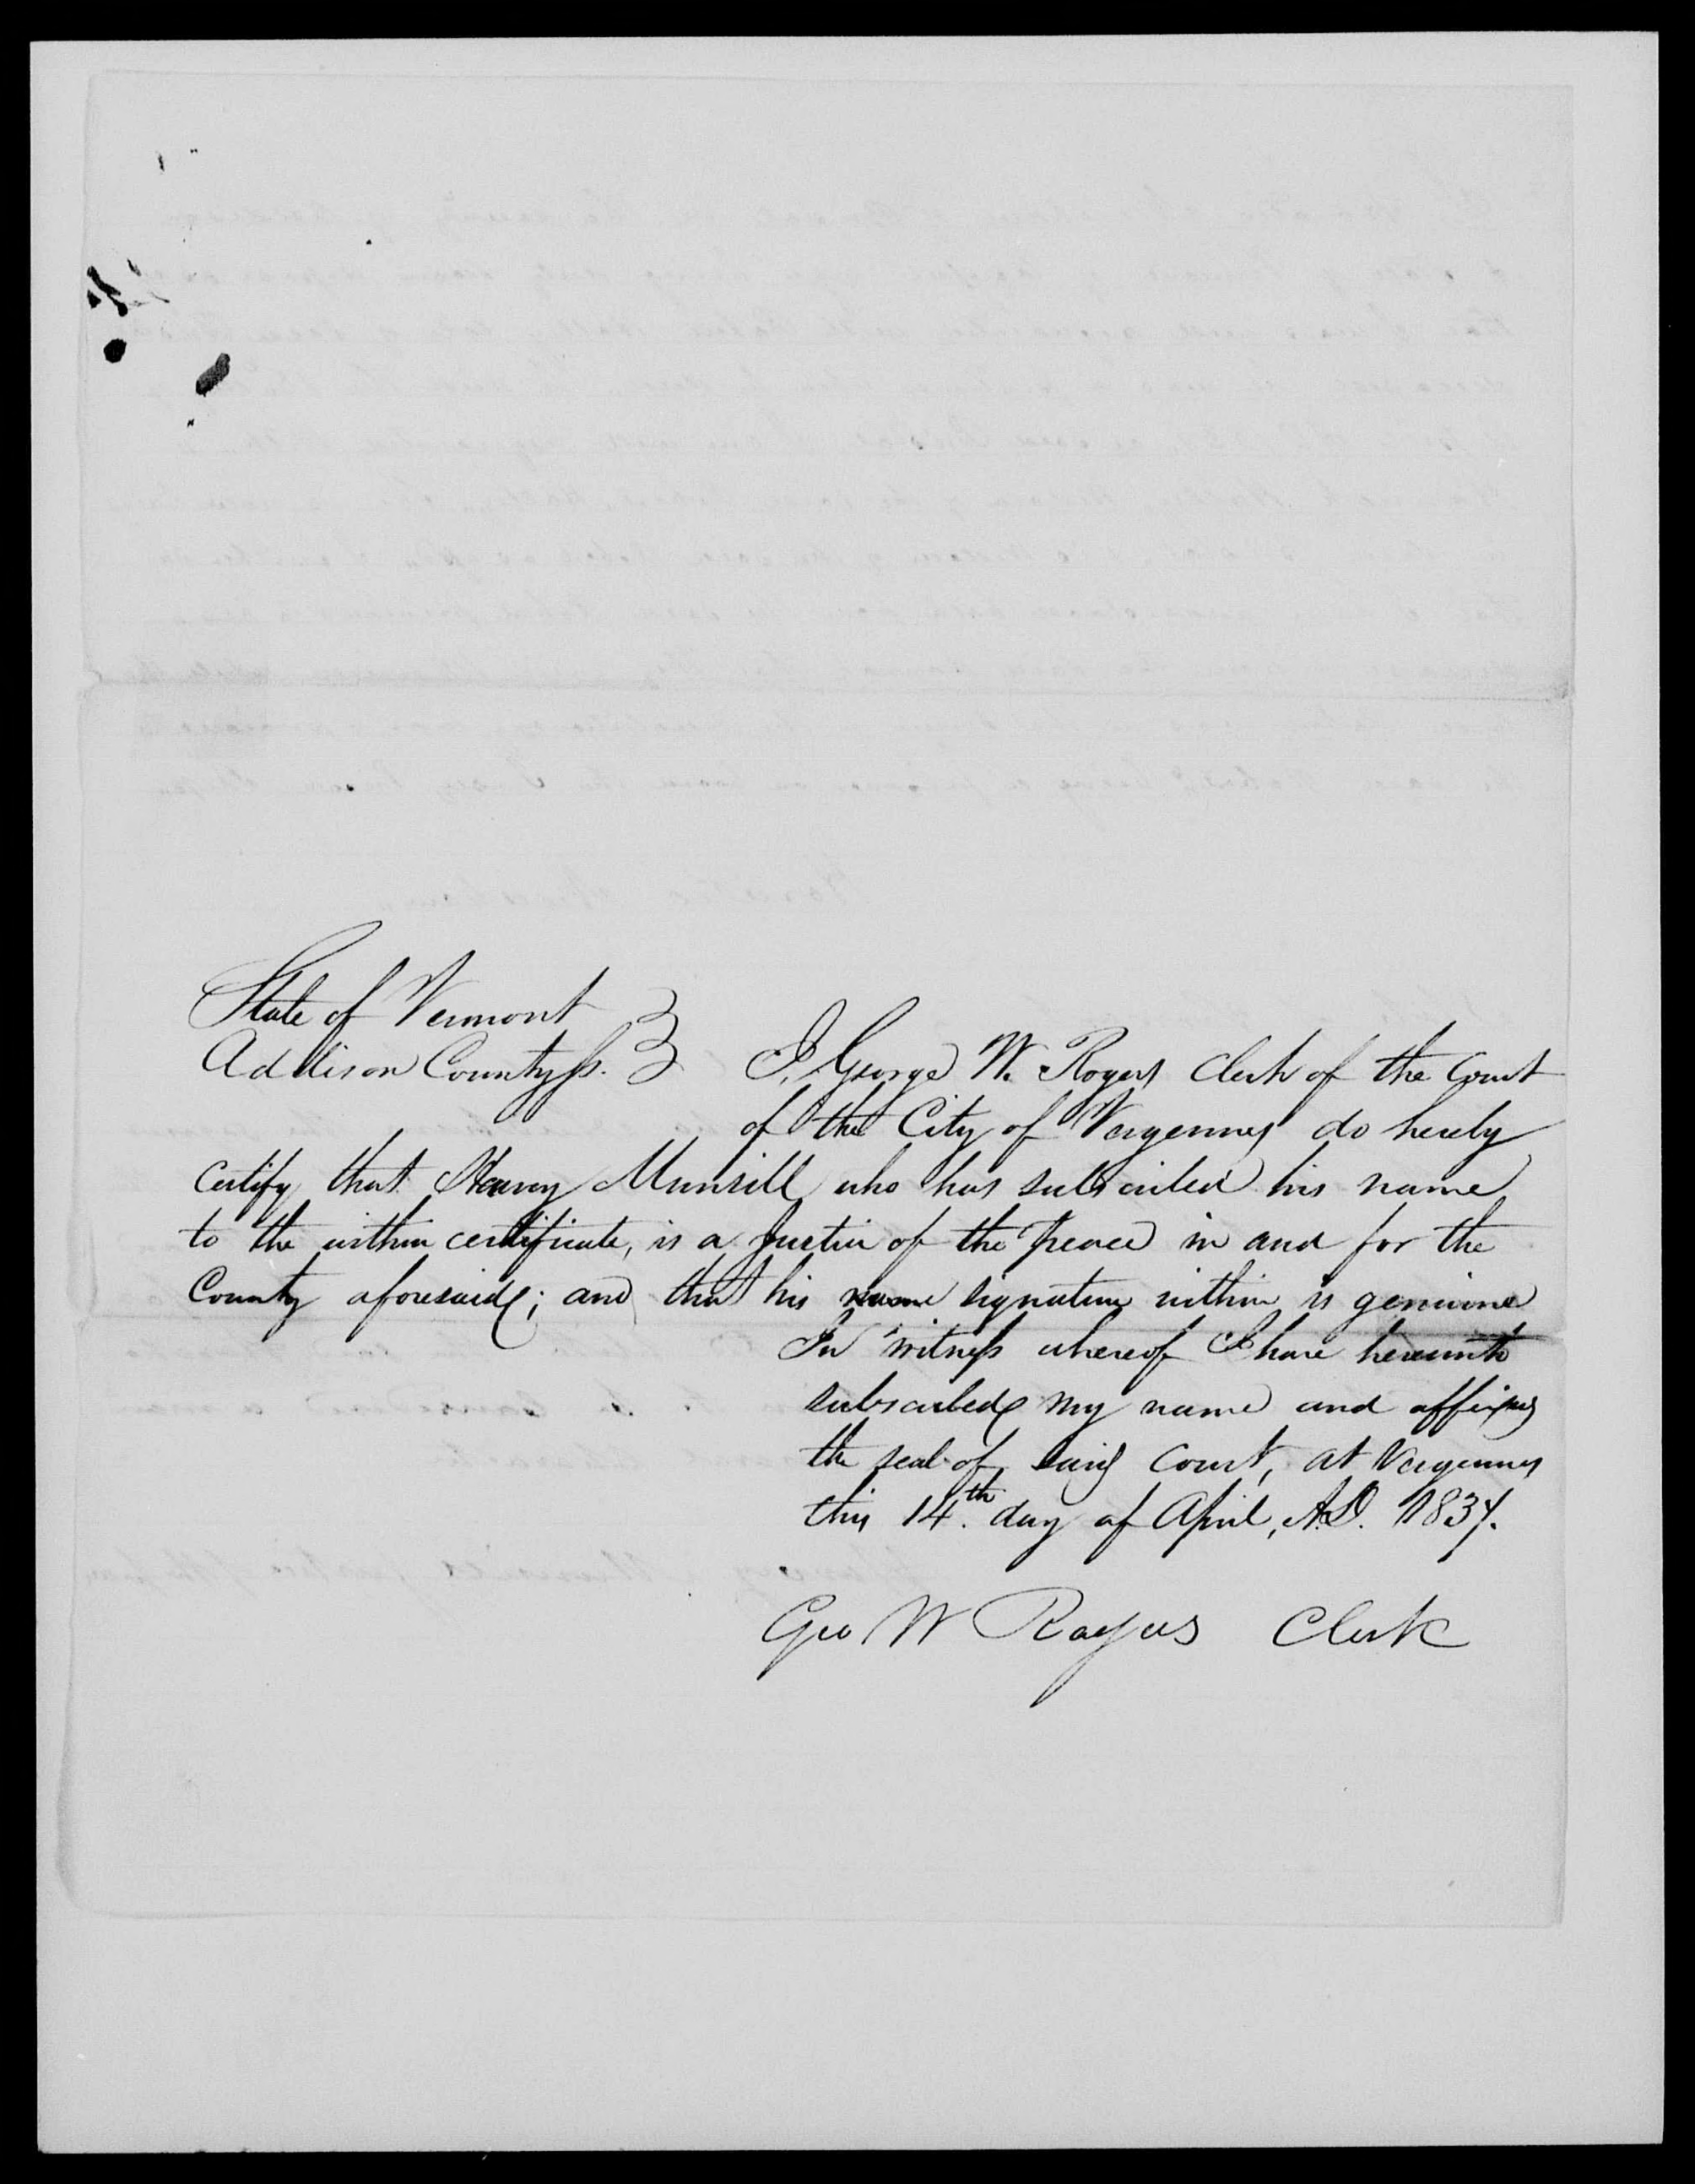State of Vermont Addison County ss} I, George W. Rogers Clerk of the Court of the City of Vergennes do hereby certify that Henry Munsill who has subscribed his name to the within certificate, is a Justice of the peace in and for the County aforesaid; and  that his  signature within is genuine In witness whereof I have hereunto subscribed my name and affixing the seal of said Court, at Vergennes this 14th day of April, A.D. 1837. Geo W Rogers Clerk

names: George W Rogers, Henry Munsill, Geo W Rogers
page: 35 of 62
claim: widow's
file: W. 21391, Robert Holley, Conn.